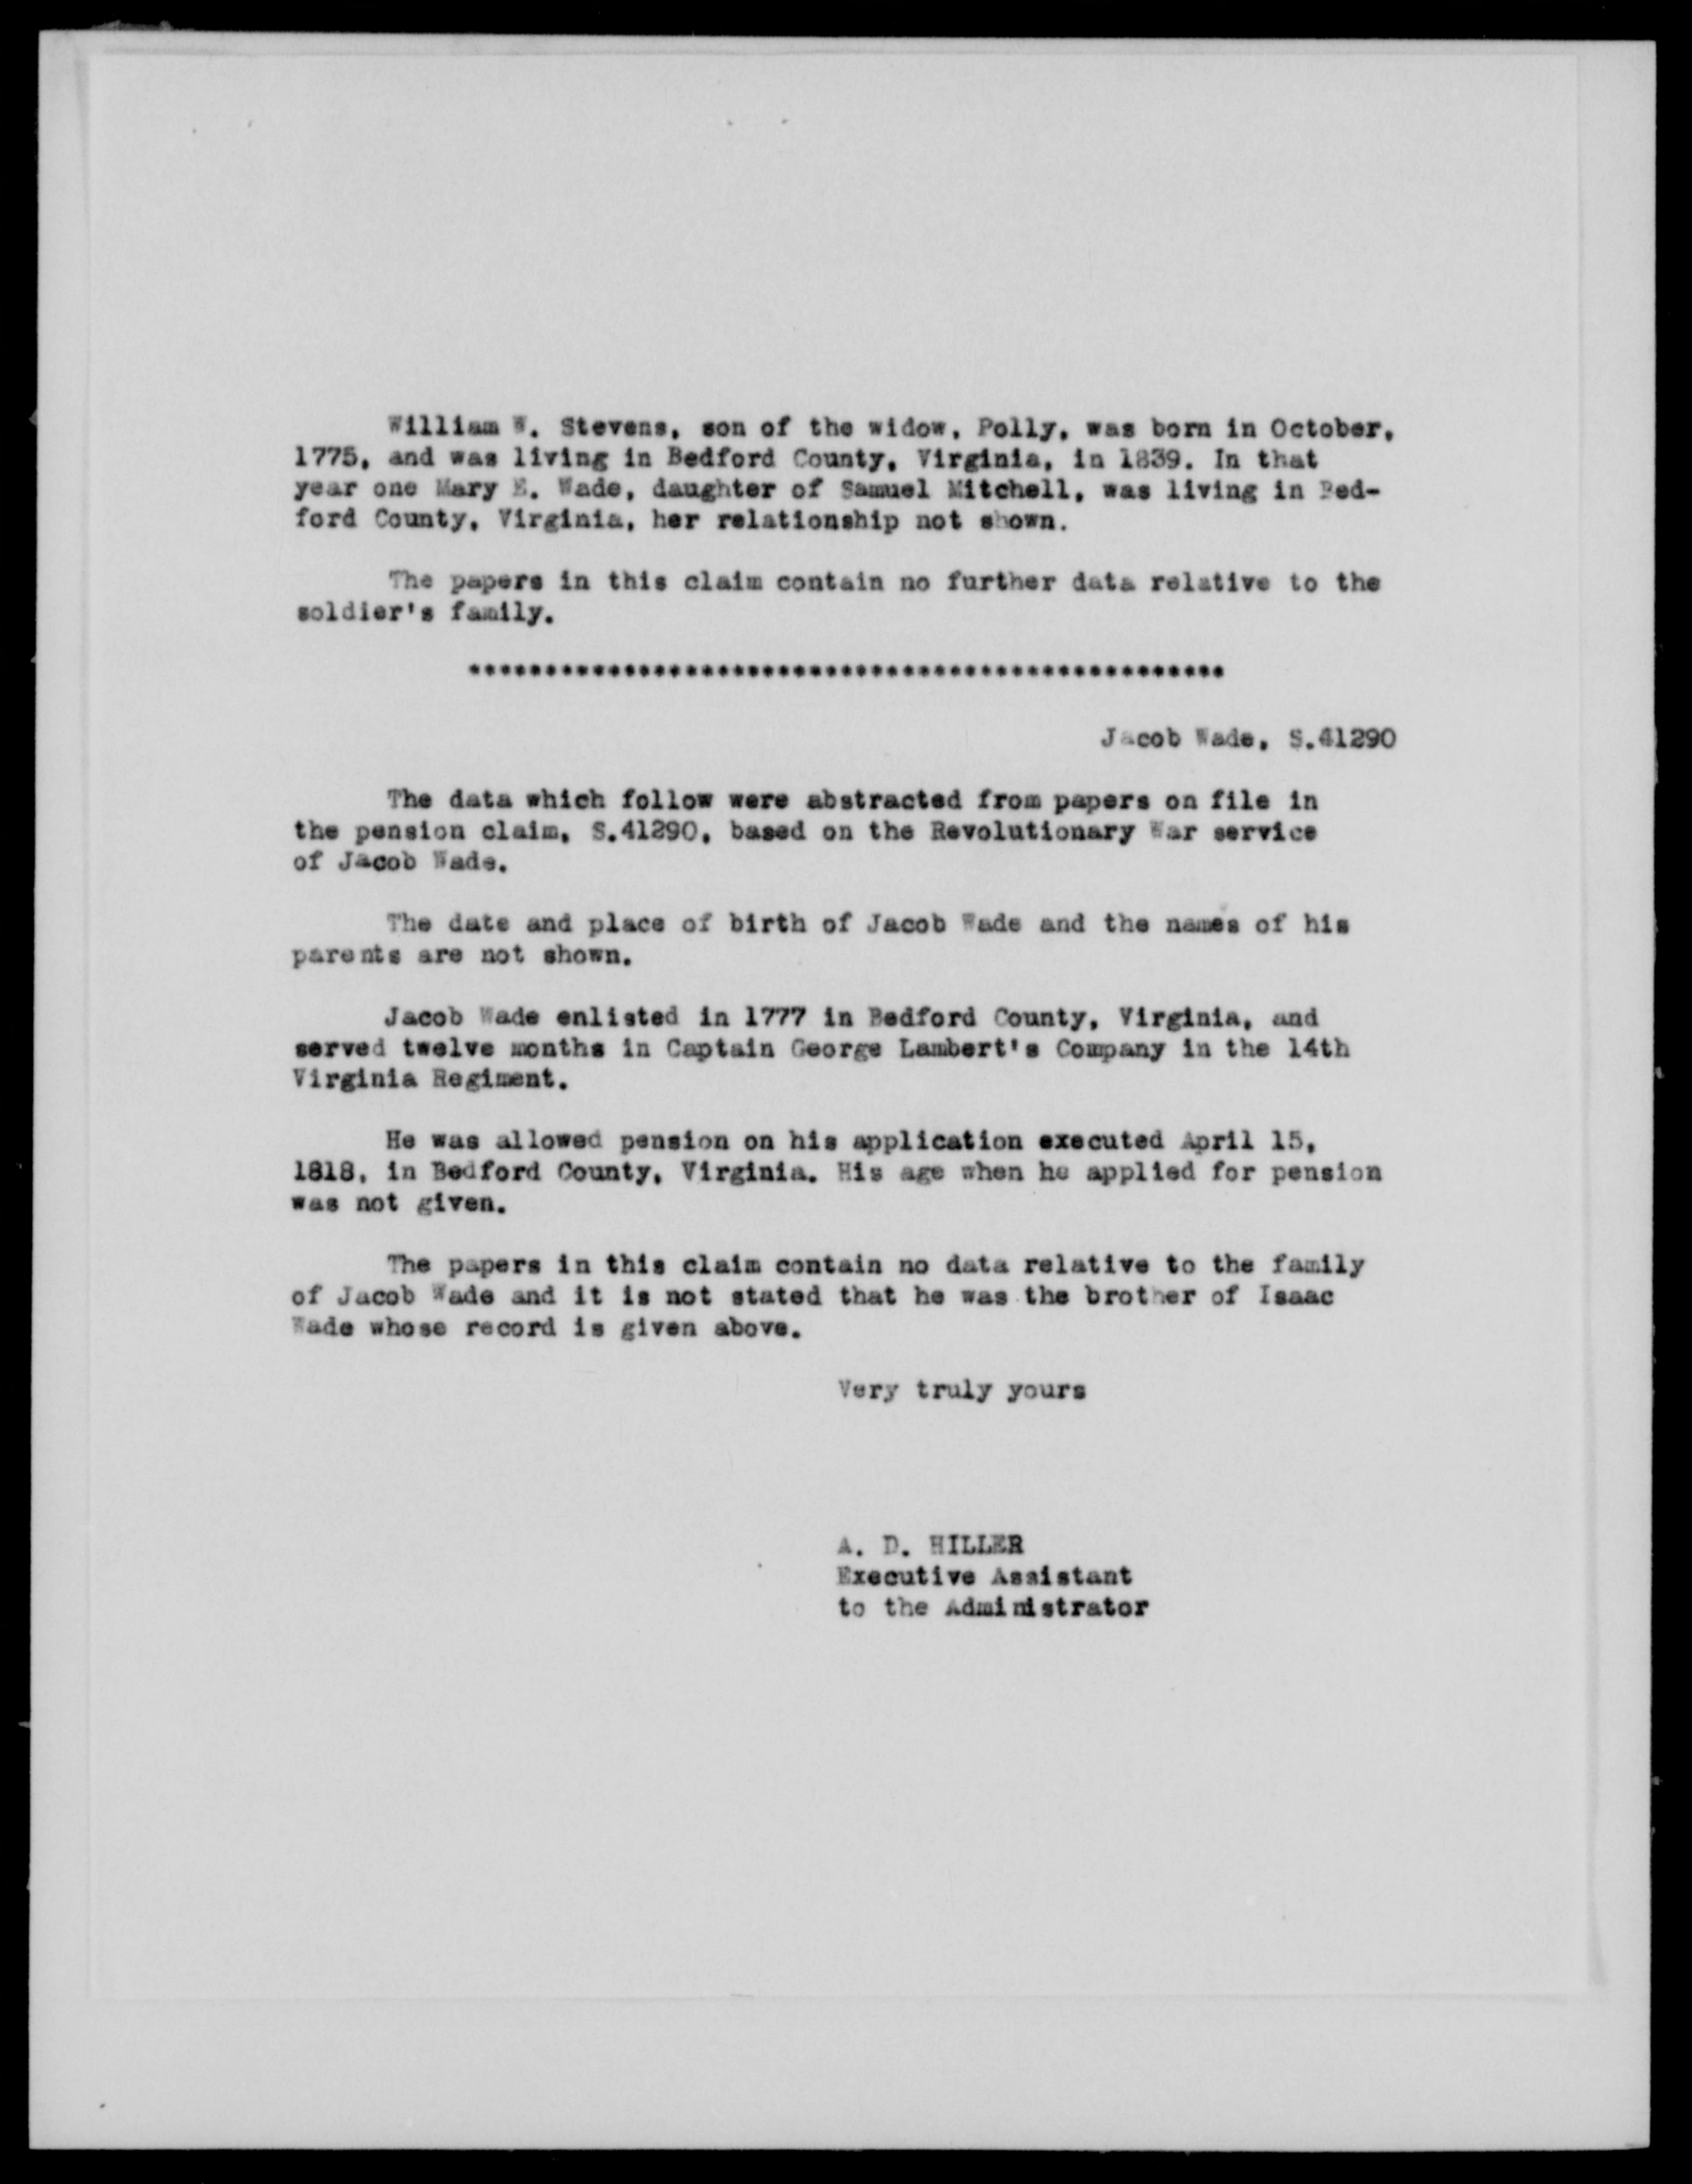William W. Stevens, son of the widow, Polly, was born in October, 1775, and was living in Bedford  County, Virginia, in 1839.  In that year one Mary E. Wade, daughter of Samuel Mitchell, was living in Bedford County, Virginia, her relationship not shown.

The papers in this claim contain no further data relative to the soldier's family.

**************************************************

Jacob Wade, S.41290

The data which follow were abstracted from papers on file in the pension claim, S.41290, based on the Revolutionary War service of Jacob Wade.

The date and place of birth of Jacob Wade and the names of his parents are not shown.

Jacob Wade enlisted in 1777 in Bedford County, Virginia, and served twelve months in Captain George Lambert's Company in the 14th Virginia Regiment.

He was allowed pension on his application executed April 15, 1818, in Bedford County, Virginia.  His age when he applied for pension was not given.

The papers in this claim contain no data relative to the family of Jacob Wade and it is not stated that he was the brother of Isaac Wade whose record is given above.

Very truly yours



A. D. HILLER
Executive Assistant
to the Administrator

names: Samuel Mitchell, Polly, Jacob Wade, Isaac Wade, Jacob Wade, Mary E Wade, Jacob Wade, A D Hiller, Jacob Wade, William W Stevens, Jacob Wade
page: 7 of 10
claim: survivor's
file: S. 41290, Jacob Wade, Va.